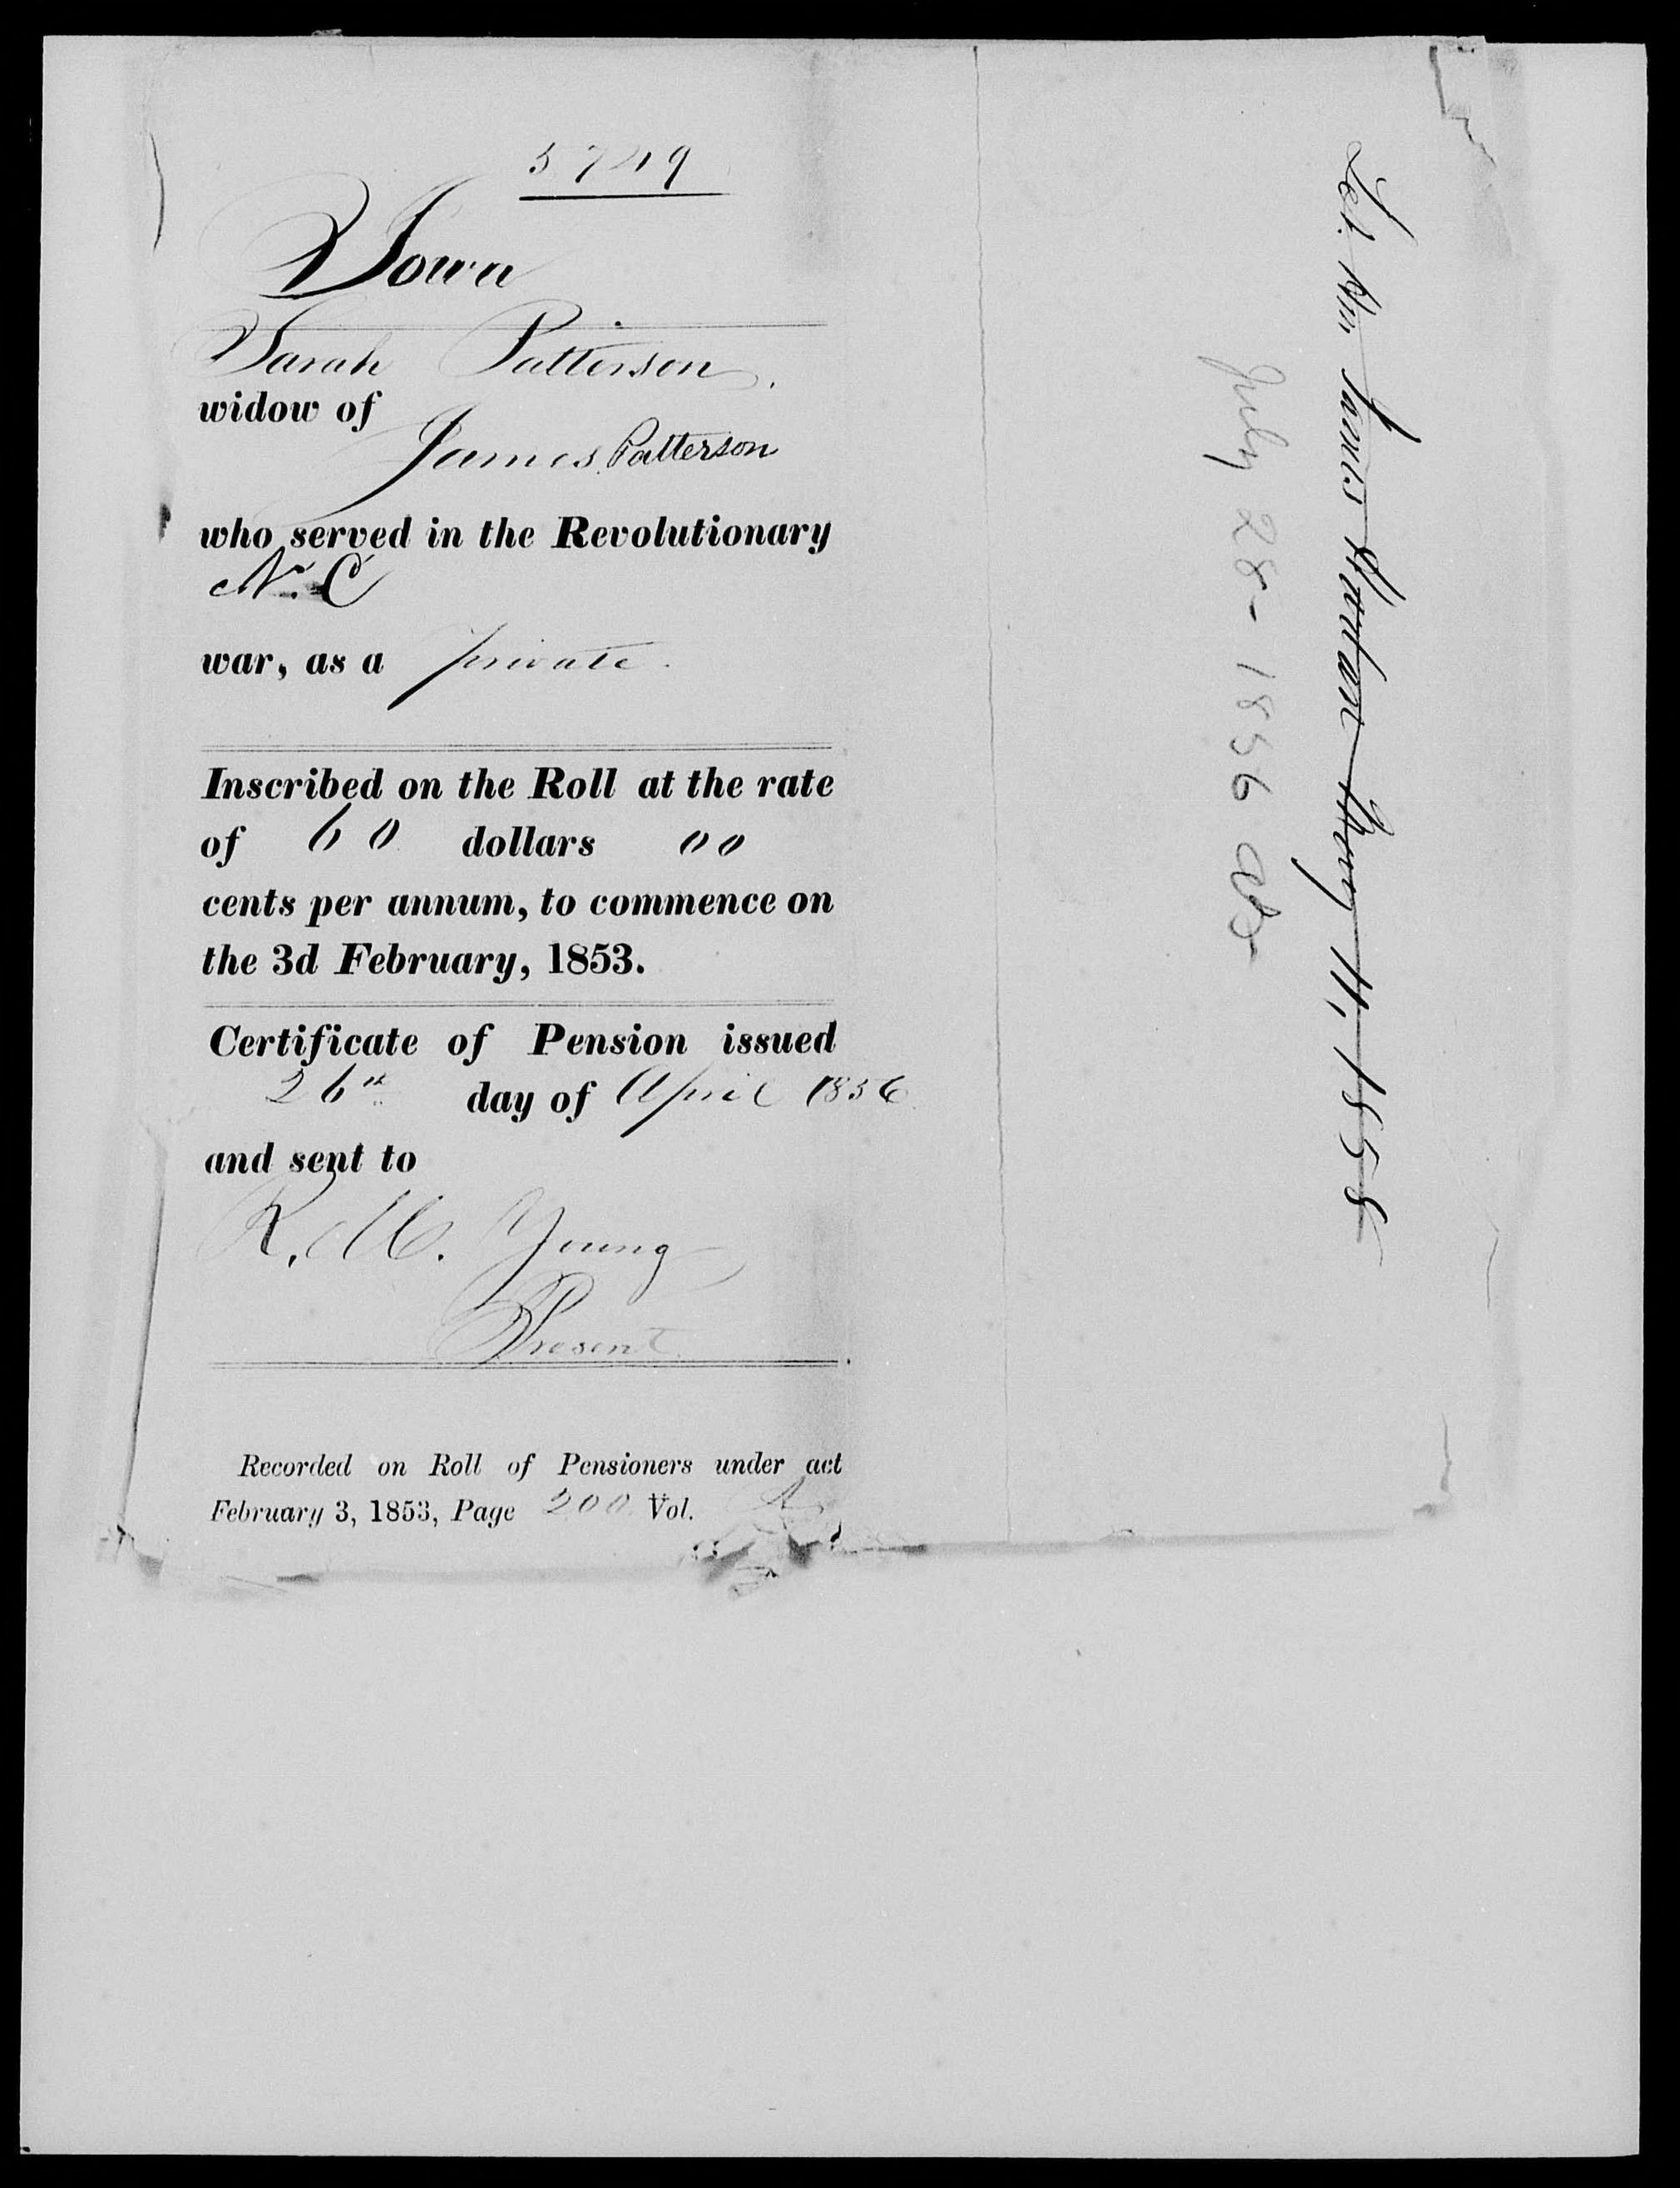5 7219
[illegible D Iowa]
Sarah Patterson 
widow of 
James Patterson 
who served in the Revolutionary 
N.C.
war, as a private 

Inscribed on the Roll at the rate of 60 dollars 00 cents per annum, to commence on the 3d February, 1853. 

Certificate of Pension issued 26th day of April 1856 and sent to R. M. Young
Present

Recorded on Roll of Pensioners under act February 3, 1853, Page 200 Vol. {smudged out]

July 28 – 1856 [illegible ab]

[the following crossed out]

Let. Hon James Harlan May 11, 185[x]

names: James Patterson; Sarah Patterson; R M Young; James Harlan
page: 2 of 69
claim: widow's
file: W. 10861, for James Patterson, North Carolina